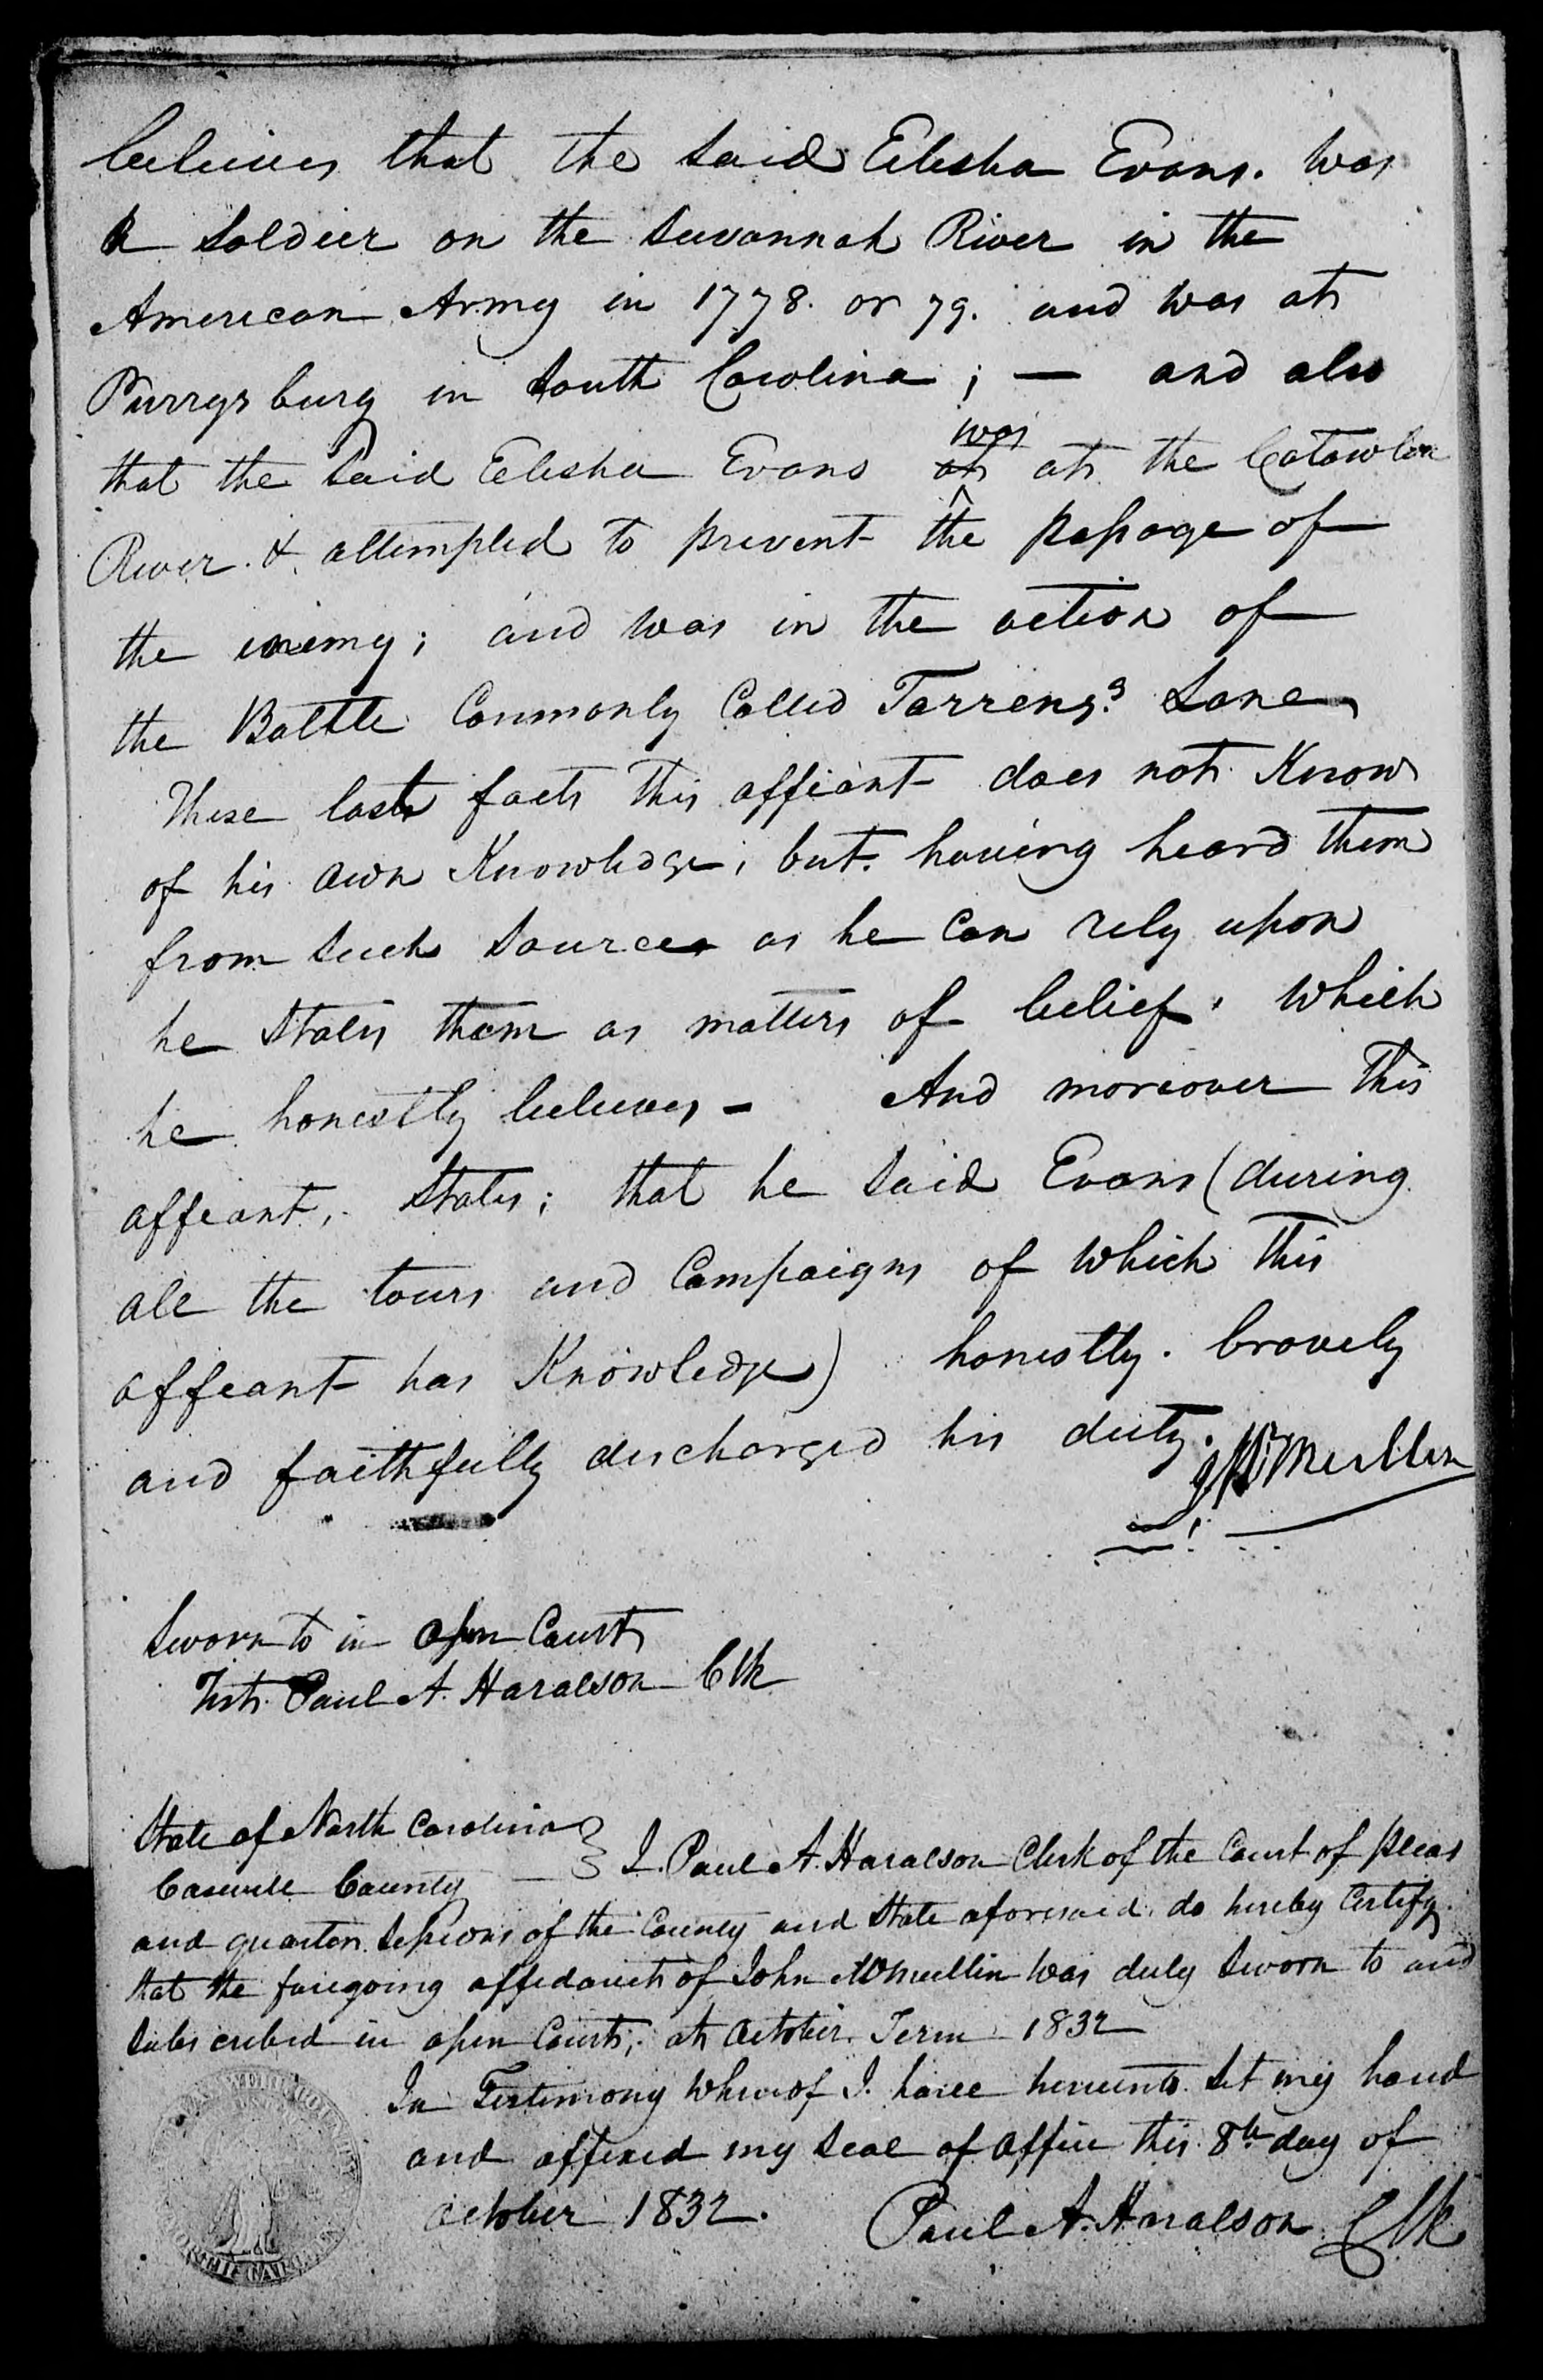believes that the said Elisha Evans, was
soldier on the Savannah River in the
American Army in 1778 or 79 and was at
Purrysburg in South Carolina; - and also
that the said Elisha Evans was at the Catabwa
River & attempted to prevent the passage of
the enemy; and was in the action of the Battle
Commonly called Torrens Lan These last facts this affiant does not know of his own knowledge, but having heard them from such source as he can rely upon he states them as matters of belief, which he honestly believes- 
And moreover this affiant States; that he said Evans (during all the tours and campaigns of which this affiant has knowledge) honestly bravely and faithfully discharged his duty.

J McMullin

Sworn to in Open Court
Test Paul A. Haralson Clk

State of North Carolina
Caswell County} I Paul A. Haralson Clerk of the Court of pleas and quarter session hereby certify that the foregoing affidavit of John McMullin was duly sworn to and
subscribed in open Court, at October Term 1832
In Testimony whereof I have hereunto set my hand and affixed my seal of Office this 8th day of October 1832.

Paul A. Haralson Clk

[Image of seal, round, containing image of Lady Justice, NORTH CAROLINA]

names: Elisha Evans, Elisha Evans, Evans, Paul A Haralson, J Mc Mullin, Paul A Haralson, Paul A Haralson, John Mc Mullin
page: 27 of 29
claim: survivor's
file: S. 6830, Elisha Evans, N.C.